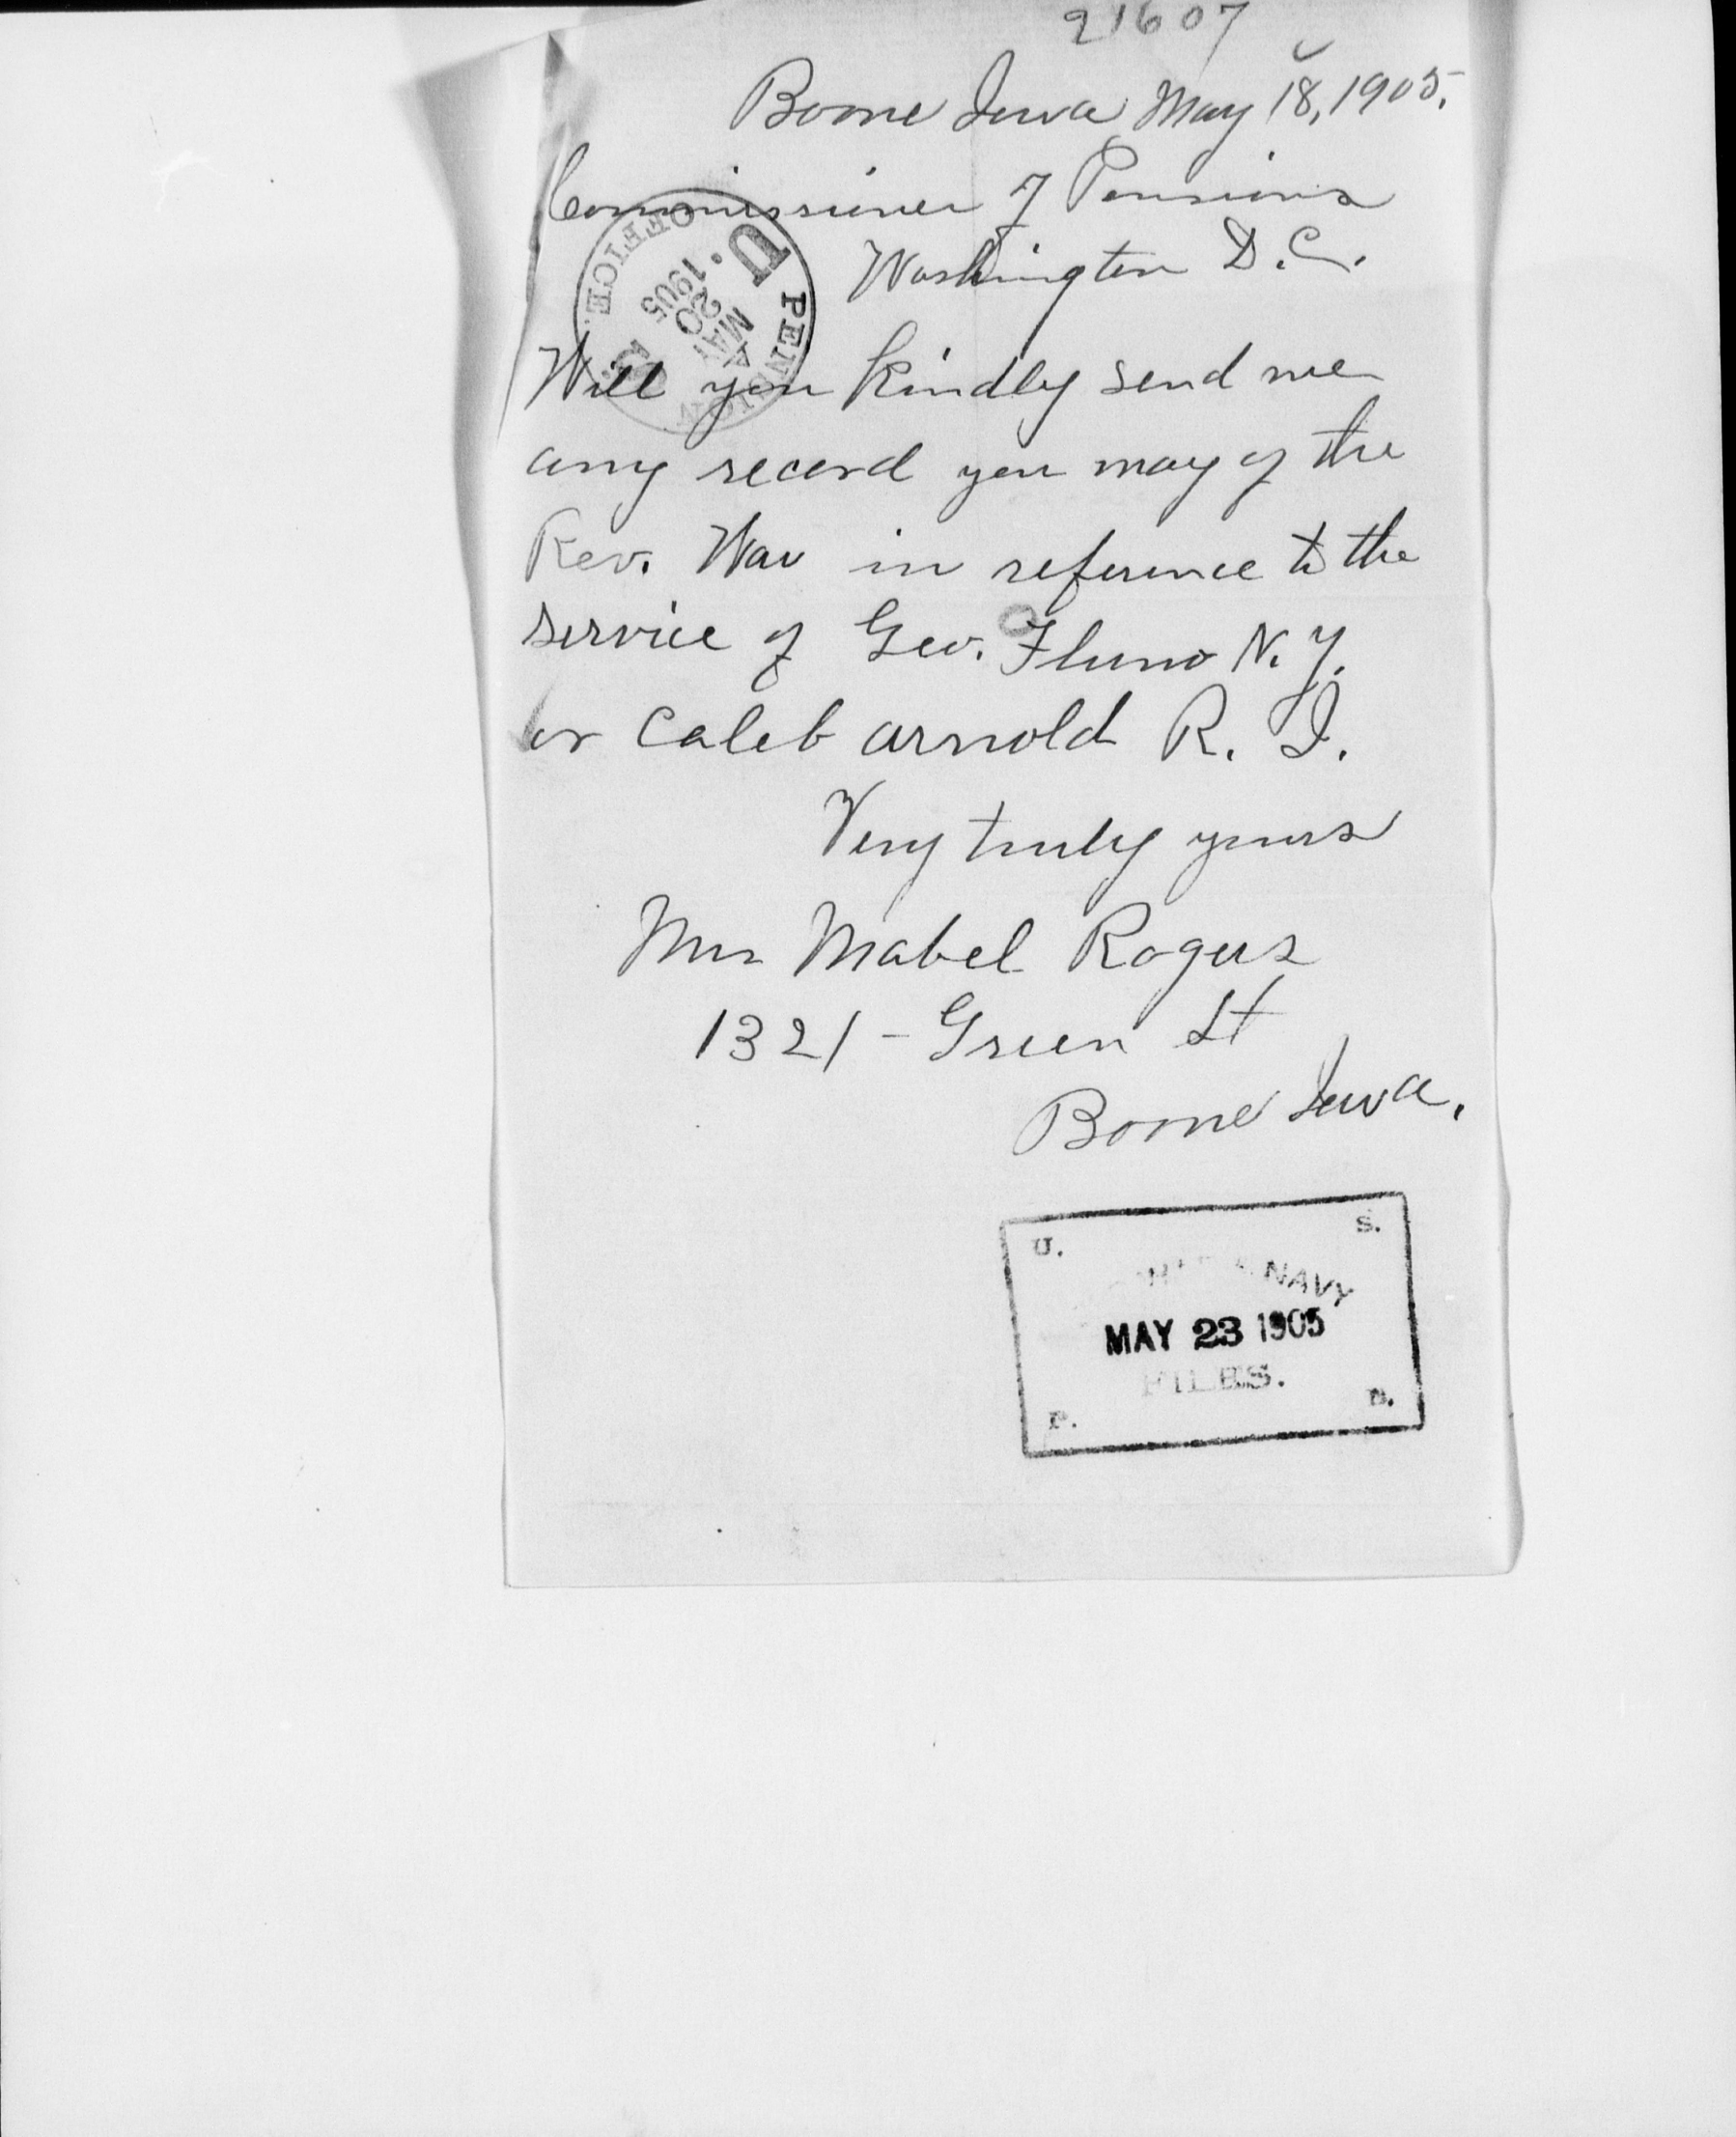Boone Iowa May 18, 1905
Commissioner of Pentions
Washington D.C.
Will you kindly send me any record you may of the Rev. War in reference to the service of Gen. Fluno N. Y. or Caleb Arnold R. I.
Very truly yours
Mrs Mabel Rogers
1321 - Green St
Boone Iowa,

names: Geo Fluno, Mabel Rogers, Caleb Arnold, Boone Jerva, Boone Jerva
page: 29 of 29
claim: widow's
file: W. 2582, Caleb Arnold, R.I.